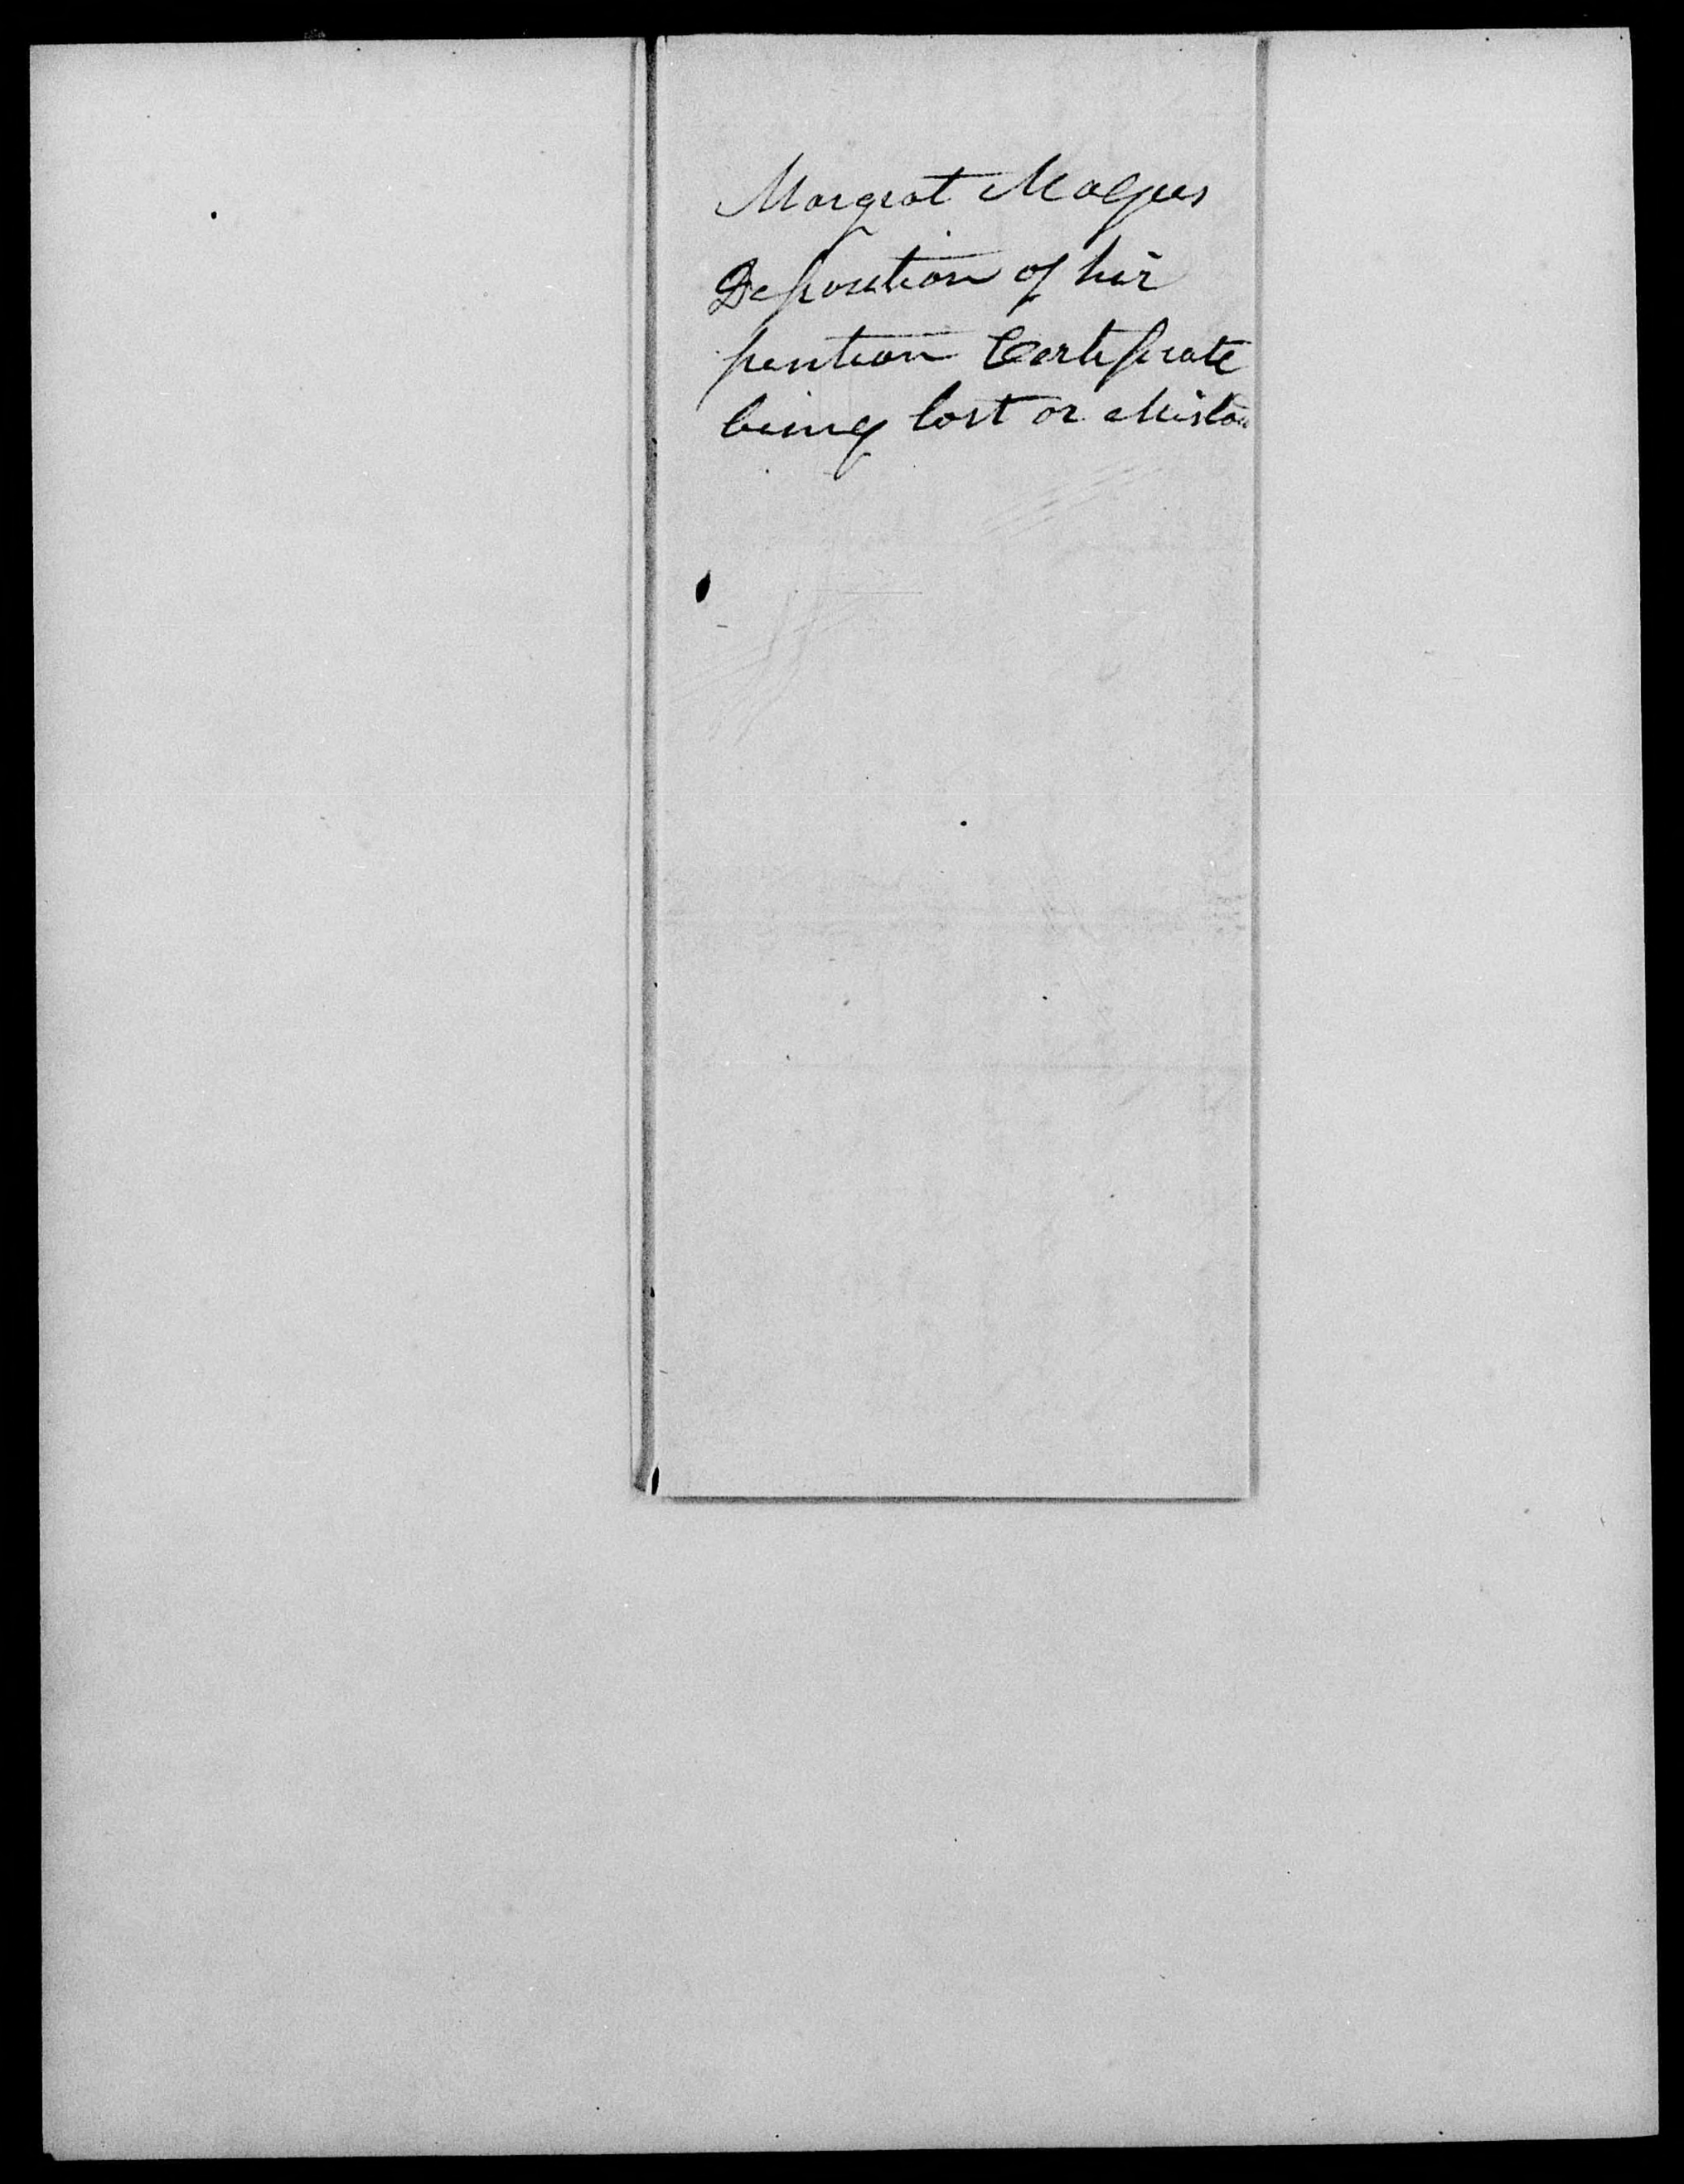Margret McGees
Deposition of her
pention Certificate
being lost or mislaid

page: 60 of 77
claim: widow's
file: W 2954, for James Mc Gee, Delaware